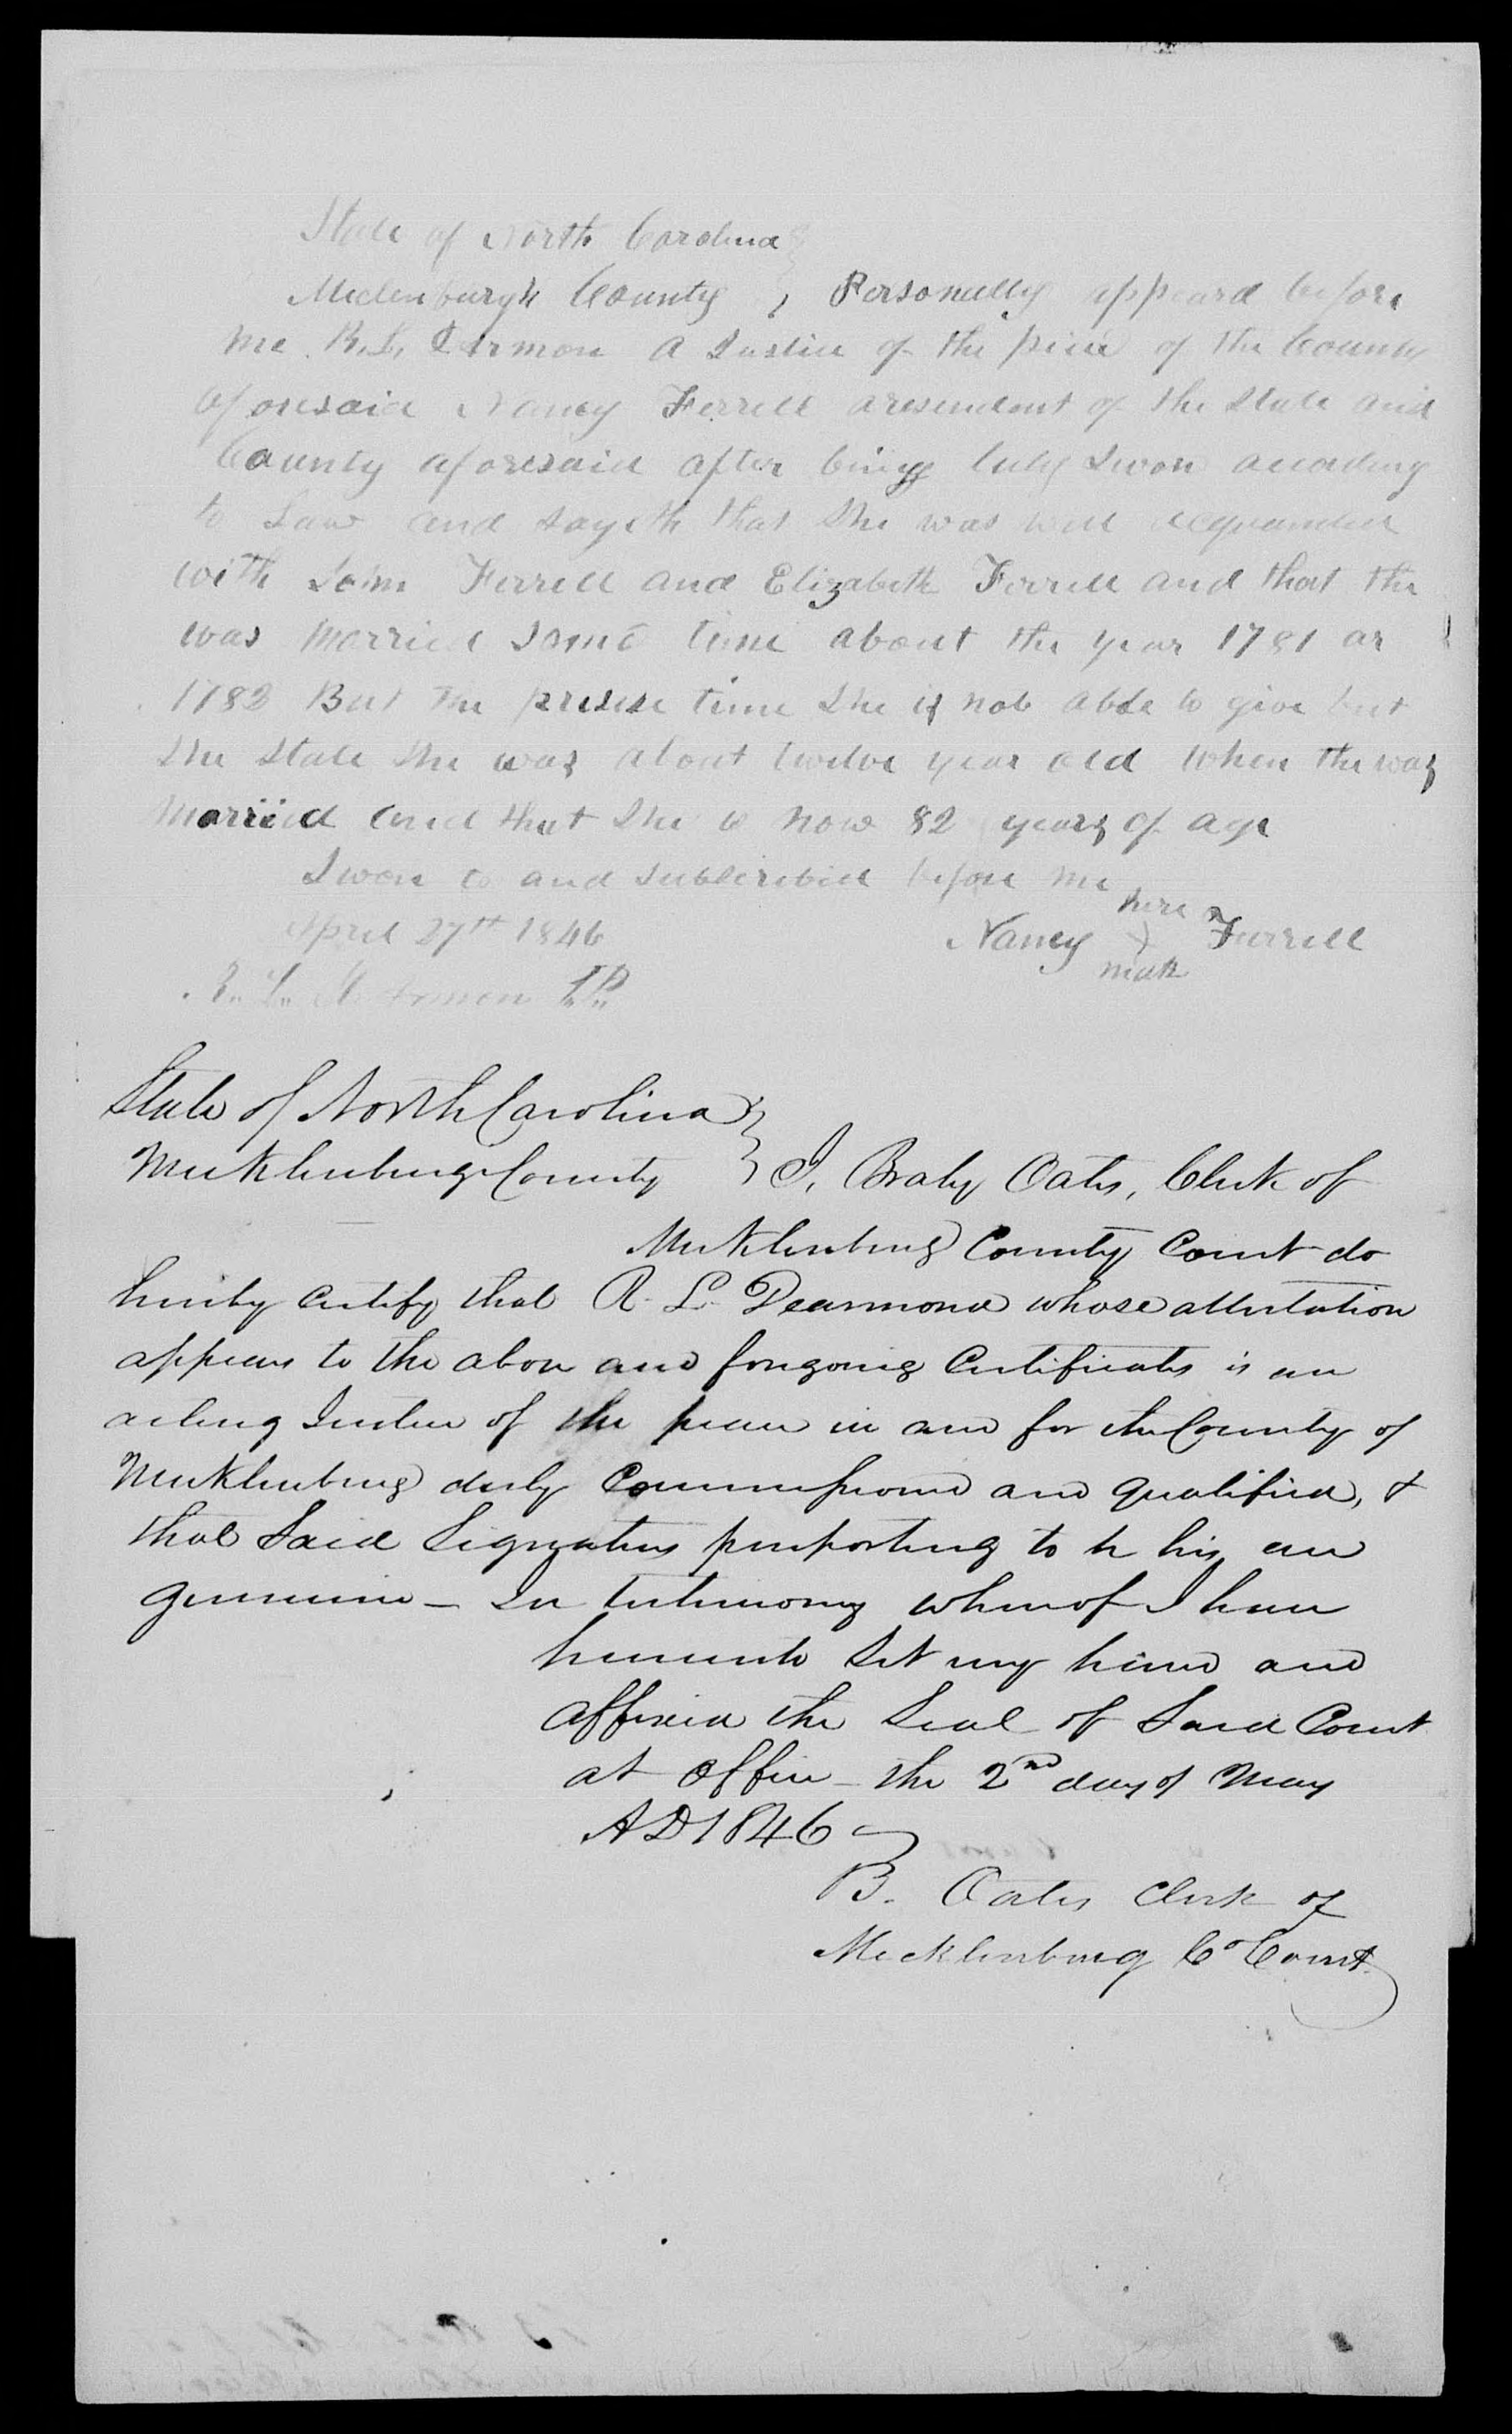State of North Carolina
Meckenburgh County 
Personally appeared before me RL DeArmore a Justice of peace of the County aforesaid Nancy Ferrell a resident of the State and County aforesaid after being duly sworn according to Law and sayeth that she was well acquainted with John Ferrell and Elizabeth Ferrell and that they was married some time about the year 1781 or 1782 But the precise time she is not able to give but she state she was about twelve year old when they was married and that she is now 82 years of age.
Sworn to and subscribed before me APril 27th 1846.
RL DeArmon JP
Nancy Ferrell her mark
State of North Carolina
Muckenburg County
I Brady Oates, Clerk of Muckenburg County Court do hereby certify that RL Dearmone whose attestation appears to the above and foregoing certifies is an acting Justice of the peace in and from the County of Muckenburg duly compromises and qualified, and that said Signatures proporting to be his are genuine. In testimony whereof I have hereunto set by him and affirm the Seal of Said Court at office the 2nd day of May AD 1846
B. Oates Clerk of Muckenburg County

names: B Oates, Elizabeth Ferrell, R L Dearmond, John Ferrell, R L De Armon, Braly Oates, Nancy Ferrell, Nancy Ferrell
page: 10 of 52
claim: rejected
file: R. 3,512, John Ferrell, N.C.